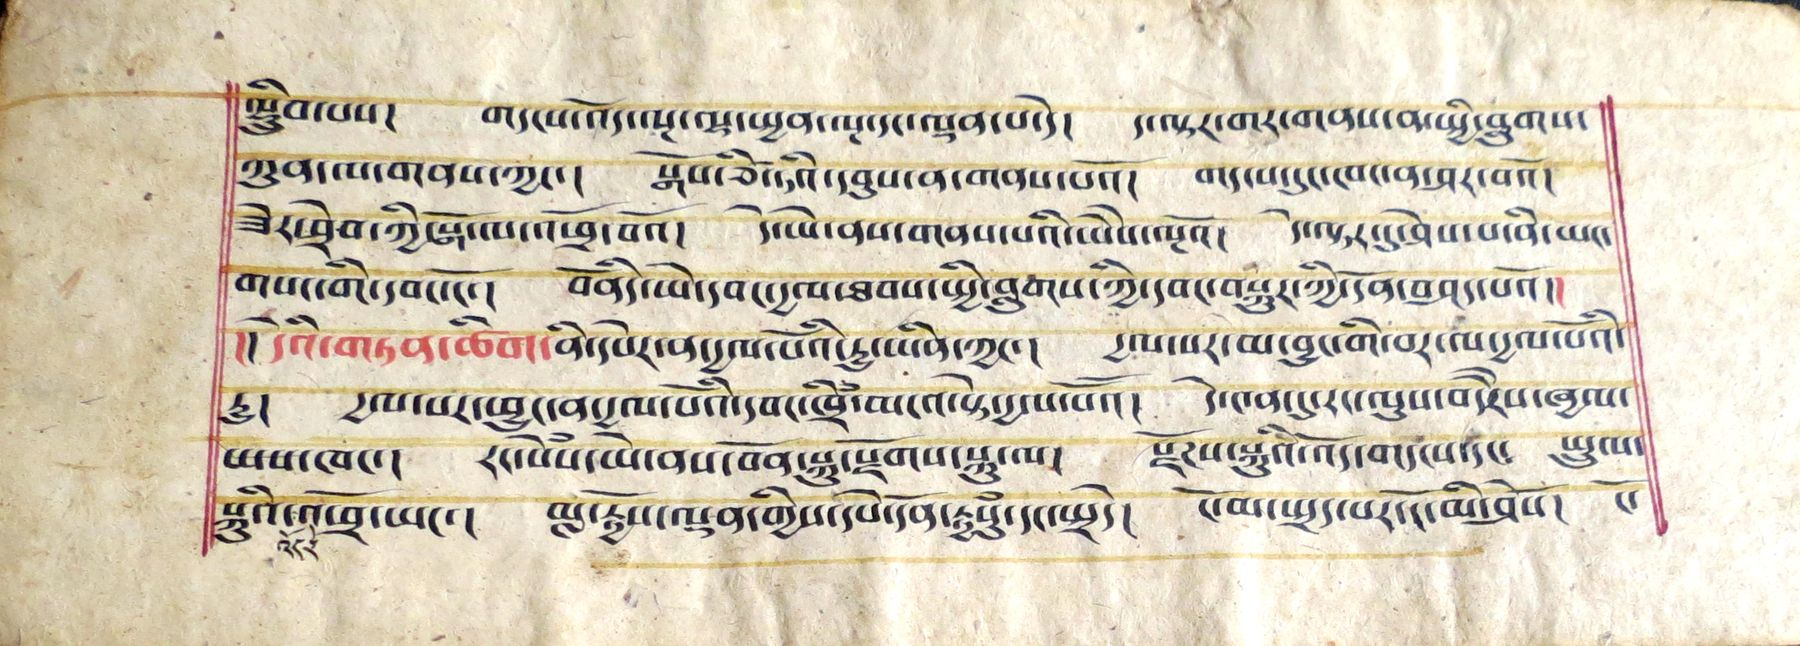ལྷུན་གྱིས་གྲུབ་པས། གདངས་འོད་ལྔ་ལྷ་ལྔ་སྤྱན་ལྔ་དང་ལྡན་པ་སྟེ། ད་ལྟ་གར་གནས་ན་སྤྱི་བླུགས་
ཀུན་ལ་གནས་ཀྱང་། སྒོས་ཙི་ཏའི་དབུས་ན་གནས་སོ། ། གདངས་དུང་ཁང་ནང་ན་ཤར་བའོ། ། 
ཟེར་ཤེས་རབ་ཀྱི་སྒོ་ལ་འཕྲོ་བའོ། ། དེ་ཡེ་ནས་གནས་པའི་ཡེ་ཤེས་ལྔའོ། ། དེ་ལྟར་དུ་ཤེས་པ་ནི། ཡང་
གསང་གི་དབང་ངོ་། ། བོན་ཉིད་ཡེ་དབང་རྒྱལ་ཐེབས་སྤྱི་བླུགས་ཀྱི་དབང་བསྐུར་གྱི་དོན་བཤད་པའོ། ། 
དེའི་གཏན་ཚིགས་ནི། དཔེར་ན་རྒྱལ་པོའི་རྒྱུ་ཡིན་ཀྱང་། རྒྱལ་སར་མ་ཕྱུང་བ་ལ་རྒྱལ་པོའི་
རྒྱུ། རྒྱལ་སར་ཕྱུང་ནས་རྒྱལ་པོའི་དབང་ཁྲིམས་མངའ་སྟེ་རྒྱལ་པོའོ། ། དེ་བཞིན་དུ་རང་ལུས་བདེ་གཤེགས་གཞལ་
ཡས་ཁང་། རང་སེམས་ཡེ་ནས་བོན་སྐུ་རྫོགས་སྐུ་ལ། རྫོགས་སྐུའི་འོད་མདངས་དང་། སྤྲུལ་
སྐུའི་འོད་ཟེར་འཕྲོ་ཡང་། བླ་མ་རྟོགས་ལྡན་གྱིས་དཔེ་དོན་རྟགས་གསུམ་དང་སྤྲད་དེ། ངོ་མ་སྤྲད་པར་ངོ་མི་ཤེས་སོ། ངོ་